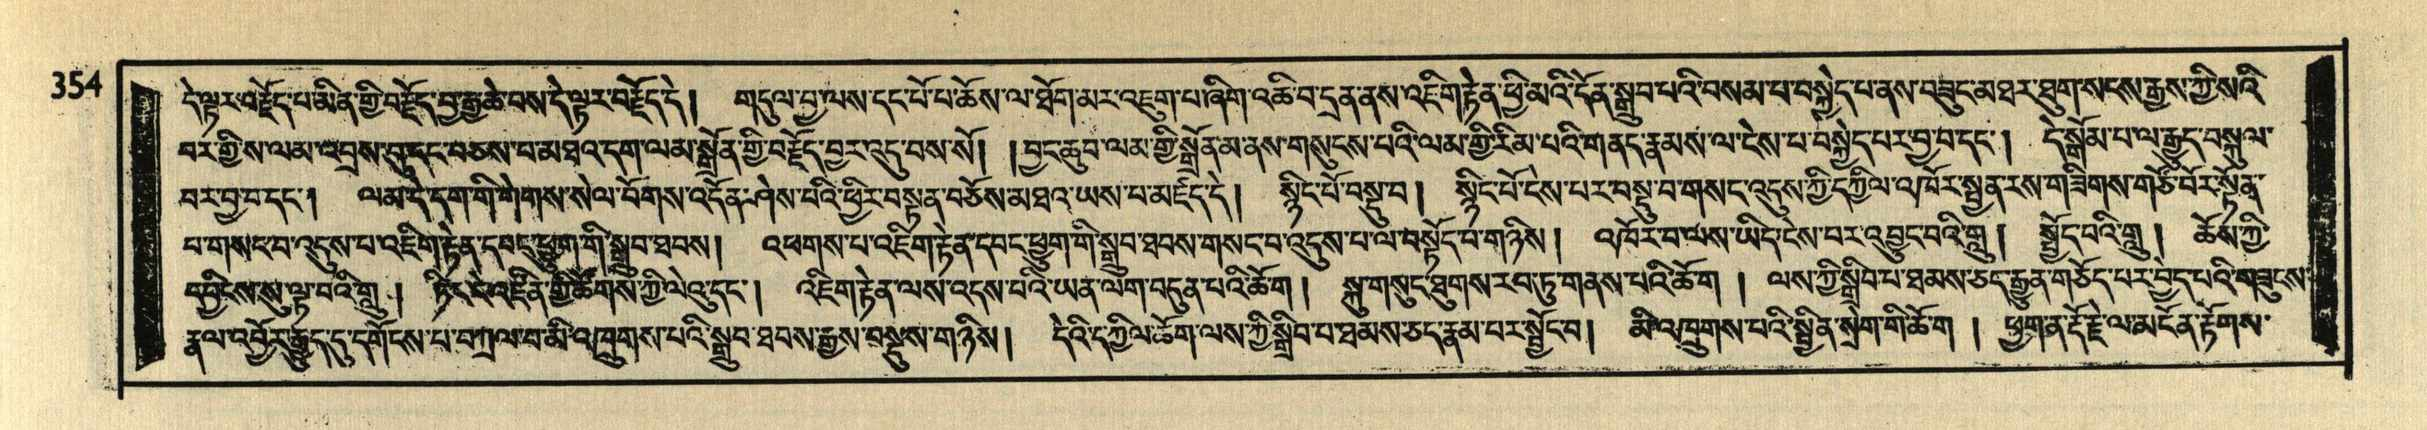དེ་ལྟར་བརྗོད་པ་མིན་གྱི་བརྗོད་བྱ་རྒྱ་ཆེ་བས་དེ་ལྟར་བརྗོད་དེ། གདུལ་བྱ་ལས་དང་པོ་པ་ཆོས་ལ་ཐོག་མར་འཇུག་པ་ཞིག་འཆི་བ་དྲན་ནས་འཇིག་རྟེན་ཕྱི་མའི་དོན་སྒྲུབ་པའི་བསམ་པ་བསྐྱེད་པ་ནས་བཟུང་མཐར་ཐུག་སངས་རྒྱས་ཀྱི་སའི་
བར་གྱིས་ལམ་འབྲས་བུ་དང་བཅས་པ་མཐའ་དག་ལམ་སྒྲོན་གྱི་བརྗོད་བྱར་འདུ་བས་སོ། །བྱང་ཆུབ་ལམ་གྱི་སྒྲོན་མ་ནས་གསུངས་པའི་ལམ་གྱི་རིམ་པའི་གནད་རྣམས་ལ་ངེས་པ་བསྐྱེད་པར་བྱ་བ་དང་། དེ་སྒོམ་པ་ལ་རྒྱུད་བསྐུལ་
བར་བྱ་བ་དང་། ལམ་དེ་དག་གི་གེགས་སེལ་བོགས་འདོན་ཤེས་པའི་ཕྱིར་བསྟན་བཅོས་མཐའ་ཡས་པ་མཛད་དེ། སྙིང་པོ་བསྡུ་བ། སྙིང་པོ་ངེས་པར་བསྡུ་བ་གསང་འདུས་ཀྱི་དཀྱིལ་འཁོར་སྤྱན་རས་གཟིགས་གཙོ་བོར་སྟོན་
པ་གསང་བ་འདུས་པ་འཇིག་རྟེན་དབང་ཕྱུག་གི་སྒྲུབ་ཐབས། འཕགས་པ་འཇིག་རྟེན་དབང་ཕྱུག་གི་སྒྲུབ་ཐབས་གསང་བ་འདུས་པ་ལ་བསྟོད་བ་གཉིས། འཁོར་བ་ལས་ཡིད་ངེས་བར་འབྱུང་བའི་གླུ། སྤྱོད་བའི་གླུ། ཆོས་ཀྱི་
དབྱིངས་སུ་ལྟ་བའི་གླུ། ཏིང་ངེ་འཛིན་གྱི་ཚོགས་ཀྱི་ལེའུ་དང་། འཇིག་རྟེན་ལས་འདས་པའི་ཡན་ལག་བདུན་པའི་ཆོ་ག། སྐུ་གསུང་ཐུགས་རབ་ཏུ་གནས་པའི་ཆོ་ག། ལས་ཀྱི་སྒྲིབ་པ་ཐམས་ཅད་རྒྱུན་གཅོད་པར་བྱེད་པའི་གཟུངས་
རྣལ་འབྱོར་རྒྱུད་དུ་དགོངས་པ་བཀྲལ་བ་མི་འཁྲུགས་པའི་སྒྲུབ་ཐབས་རྒྱས་བསྡུས་གཉིས། དེའི་དཀྱིལ་ཆོག་ལས་ཀྱི་སྒྲིབ་པ་ཐམས་ཅད་རྣམ་པར་སྦྱོང་བ། མི་འཁྲུགས་པའི་སྦྱིན་སྲེག་གི་ཆོ་ག། ཕྱག་ན་རྡོ་རྗེ་ལ་མངོན་རྟོགས་